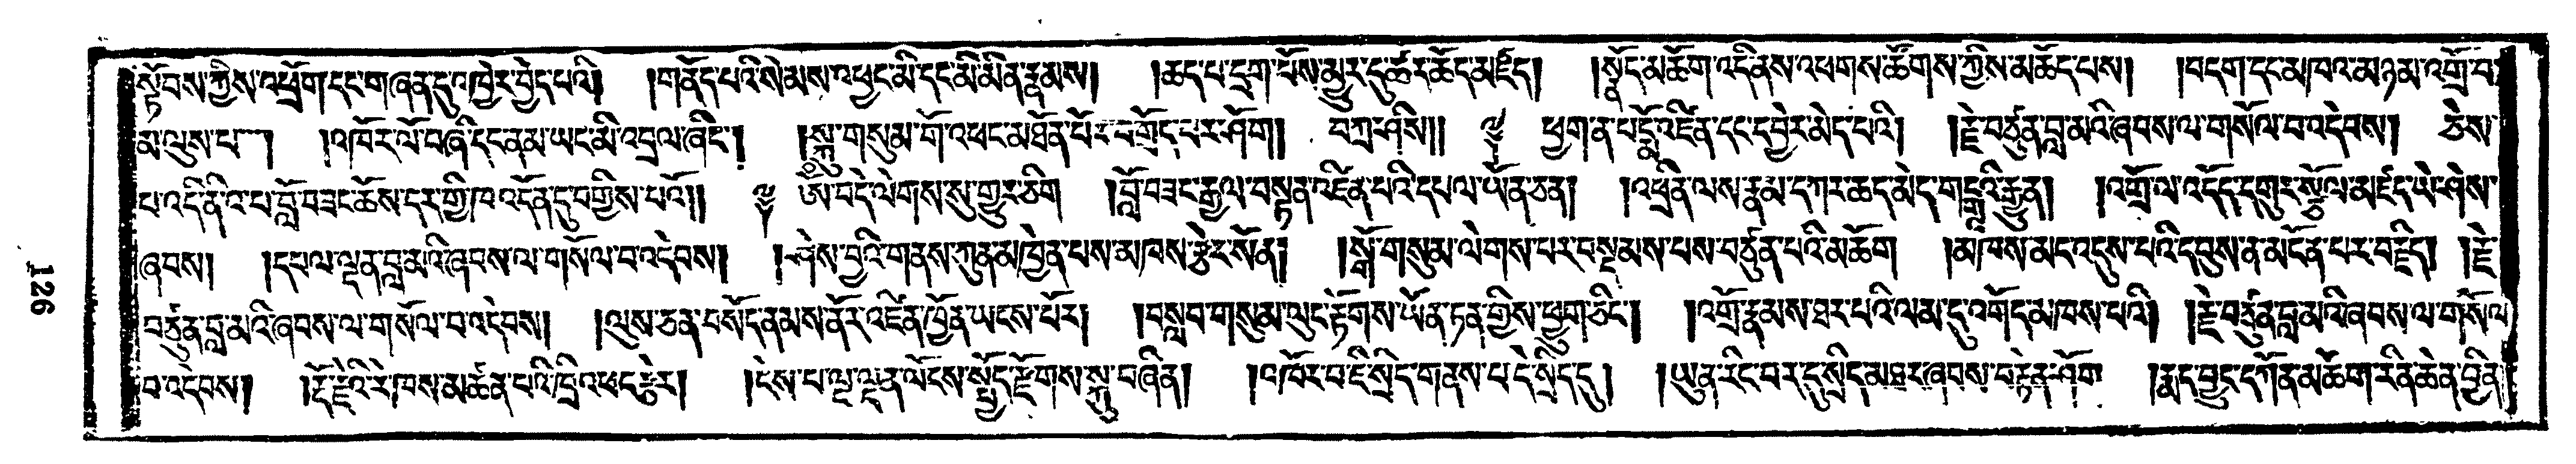སྟོབས་ཀྱིས་འཕྲོག་དང་གཞན་དུ་འཁྱེར་བྱེད་པའི། །གནོད་པའི་སེམས་འཕྱང་མི་དང་མི་མིན་རྣམས། །ཆད་པ་དྲག་པོས་མྱུར་དུ་ཚར་ཆོད་མཛད། །སྣོད་མཆོག་འདི་ནས་འཕགས་ཚོགས་ཀྱིས་མཆོད་པས། །བདག་དང་མཁའ་མཉམ་འགྲོ་བ་
མ་ལུས་པ། །འཁོར་ལོ་བཞི་དང་ནམ་ཡང་མི་འབྲལ་ཞིང་། །སྐུ་གསུམ་གོ་འཕང་མཐོན་པོར་བགྲོད་པར་ཤོག །བཀྲ་ཤིས།། ༈ ཕྱག་ན་པདམོ་འཛིན་དང་དབྱེར་མེད་པའི། །རྗེ་བཙུན་བླ་མའི་ཞབས་ལ་གསོལ་བ་འདེབས། ཅེས་
པ་འདི་ནི་འ་པ་བློ་བཟང་ཆོས་དར་གྱི་ཁ་འདོན་དུ་བགྱིས་པའོ།། ༈ ཨོཾ་བདེ་ལེགས་སུ་གྱུར་ཅིག །བློ་བཟང་རྒྱལ་བསྟན་འཛིན་པའི་དཔལ་ཡོན་ཅན། །འཕྲིན་ལས་རྣམ་དཀར་ཆད་མེད་གངྒཱའི་རྒྱུན། །འགྲོ་ལ་འདོད་དགུར་སྩོལ་མཛད་ཡེ་ཤེས་
ཞབས། །དཔལ་ལྡན་བླ་མའི་ཞབས་ལ་གསོལ་བ་འདེབས། །ཤེས་བྱའི་གནས་ཀུན་མཁྱེན་པས་མཁས་རྩེར་སོན། །སྒོ་གསུམ་ལེགས་པར་བསྡམས་པས་བཙུན་པའི་མཆོག །མཁས་མང་འདུས་པའི་དབུས་ན་མངོན་པར་བརྗིད། །རྗེ་
བཙུན་བླ་མའི་ཞབས་ལ་གསོལ་བ་འདེབས། །ལུས་ཅན་བསོད་ནམས་ནོར་འཛིན་ཁྱོན་ཡངས་པོར། །བསླབ་གསུམ་ལུང་རྟོགས་ཡོན་ཏན་གྱིས་ཕྱུག་ཅིང་། །འགྲོ་རྣམས་ཐར་པའི་ལམ་དུ་འགོད་མཁས་པའི། །རྗེ་བཙུན་བླ་མའི་ཞབས་ལ་གསོལ་
བ་འདེབས། །རྡོ་རྗེའི་རེ་ཁས་མཚན་པའི་ཁྲི་འཕང་རྩེར། །ངེས་པ་ལྔ་ལྡན་ལོངས་སྤྱོད་རྫོགས་སྐུ་བཞིན། །འཁོར་བ་ཇི་སྲིད་གནས་པ་དེ་སྲིད་དུ། །ཡུན་རིང་བར་དུ་སྲིད་མཐར་ཞབས་བརྟེན་ཤོག །རྨད་བྱུང་དཀོན་མཆོག་རིན་ཆེན་བྱིན་